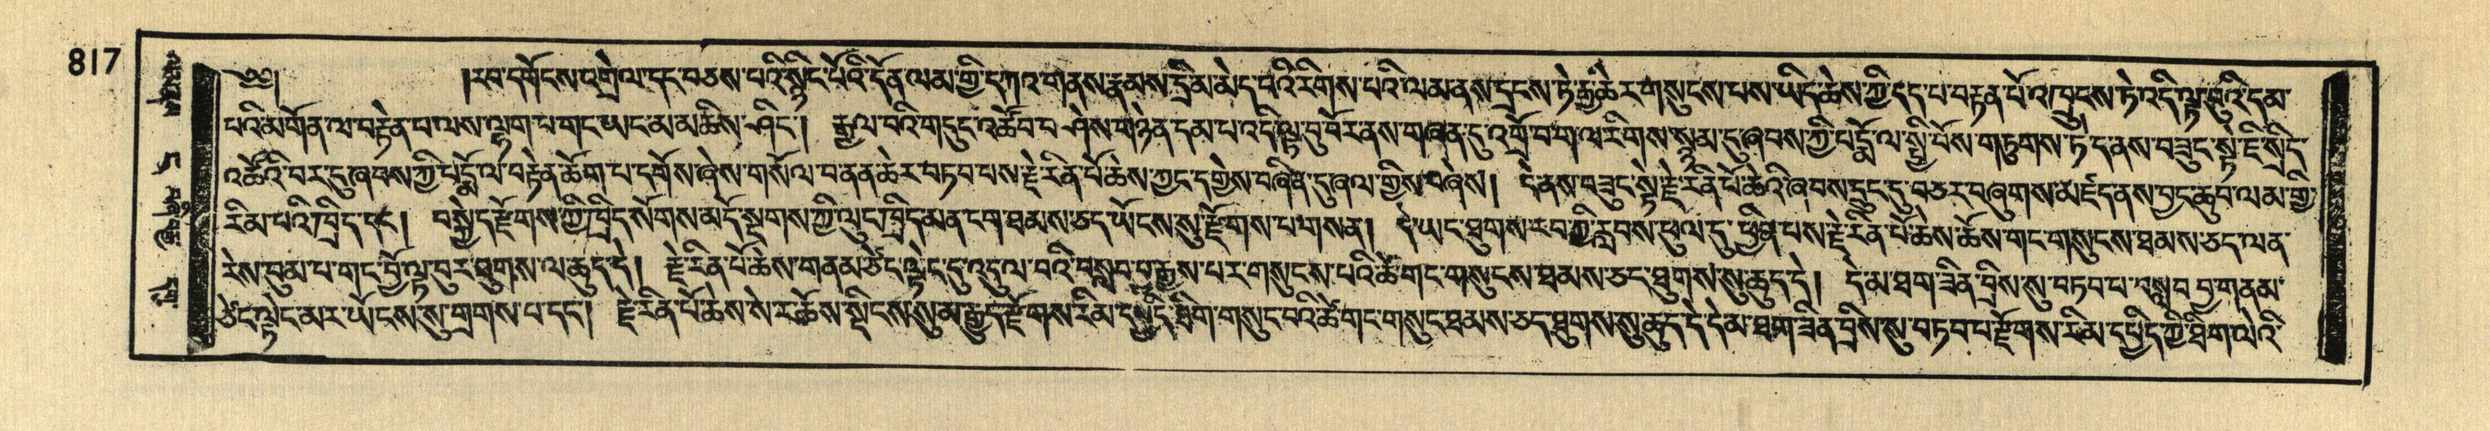༄༅། །རབ་དགོངས་འགྲེལ་དང་བཅས་པའི་སྙིང་པོའི་དོན་ལམ་གྱི་དཀའ་གནས་རྣམས་དྲི་མ་མེད་བའི་རིགས་པའི་ལམ་ནས་དྲངས་ཏེ་རྒྱ་ཆེར་གསུངས་པས་ཡིད་ཆེས་ཀྱི་དད་པ་བརྟན་པོ་འཁྲུངས་ཏེ་འདི་ལྟ་བུའི་དམ་
པའི་མགོན་ལ་བརྟེན་པ་ལས་ལྷག་པ་གང་ཡང་མ་མཆིས་ཤིང་། རྒྱལ་བའི་གདུང་འཚོབ་བཤེས་གཉེན་དམ་པ་འདི་ལྟ་བུ་བོར་ནས་གཞན་དུ་འགྲོ་བ་ག་ལ་རིགས་སྙམ་དུ་ཞབས་ཀྱི་པདམོ་ལ་སྤྱི་བོས་གཏུགས་ཏེ་ད་ནས་བཟུང་སྟེ་ཇི་སྲིད་
འཚོའི་བར་དུ་ཞབས་ཀྱི་པདམོ་ལ་བརྟེན་ཆོག་པ་དགོས་ཞེས་གསོལ་བ་ནན་ཆེར་བཏབ་པས་རྗེ་རིན་པོ་ཆེས་ཀྱང་དགྱེས་བཞིན་དུ་ཞལ་གྱིས་བཞེས། དེ་ནས་བཟུང་སྟེ་རྗེ་རིན་པོ་ཆེའི་ཞབས་དྲུང་དུ་བཅར་བཞུགས་མཛད་ནས་བྱང་ཆུབ་ལམ་གྱི་
རིམ་པའི་ཁྲིད་དང་། བསྐྱེད་རྫོགས་ཀྱི་ཁྲིད་སོགས་མདོ་སྔགས་ཀྱི་ལུང་ཁྲིད་མན་ངག་ཐམས་ཅད་ཡོངས་སུ་རྫོགས་པ་གསན། དེ་ཡང་ཐུགས་རབ་ཀྱི་རླབས་ཕུལ་དུ་ཕྱིན་པས་རྗེ་རིན་པོ་ཆེས་ཆོས་གང་གསུངས་ཐམས་ཅད་ལན་
རེས་བུམ་པ་གང་བྱོ་ལྟ་བུར་ཐུགས་ལ་ཆུད་དེ། རྗེ་རིན་པོ་ཆེས་གནམ་ཙེང་ལྟེང་དུ་འདུལ་བའི་བསླབ་བྱ་རྒྱས་པར་གསུངས་པའི་ཚེ་གང་གསུངས་ཐམས་ཅད་ཐུགས་སུ་ཆུད་དེ། དེ་མ་ཐག་ཟིན་བྲིས་སུ་བཏབ་པ་བསླབ་བྱ་གནམ་
ཙེང་ལྟེང་མར་ཡོངས་སུ་གྲགས་པ་དང་། རྗེ་རིན་པོ་ཆེས་སེ་ར་ཆོས་སྡིངས་སུ་མ་རྒྱུད་རྫོགས་རིམ་དཔྱིད་ཐིག་གསུང་བའི་ཚེ་གང་གསུང་ཐམས་ཅད་ཐུགས་སུ་ཆུད་དེ་དེ་མ་ཐག་ཟིན་བྲིས་སུ་བཏབ་པ་རྫོགས་རིམ་དཔྱིད་ཀྱི་ཐིག་ལེའི་